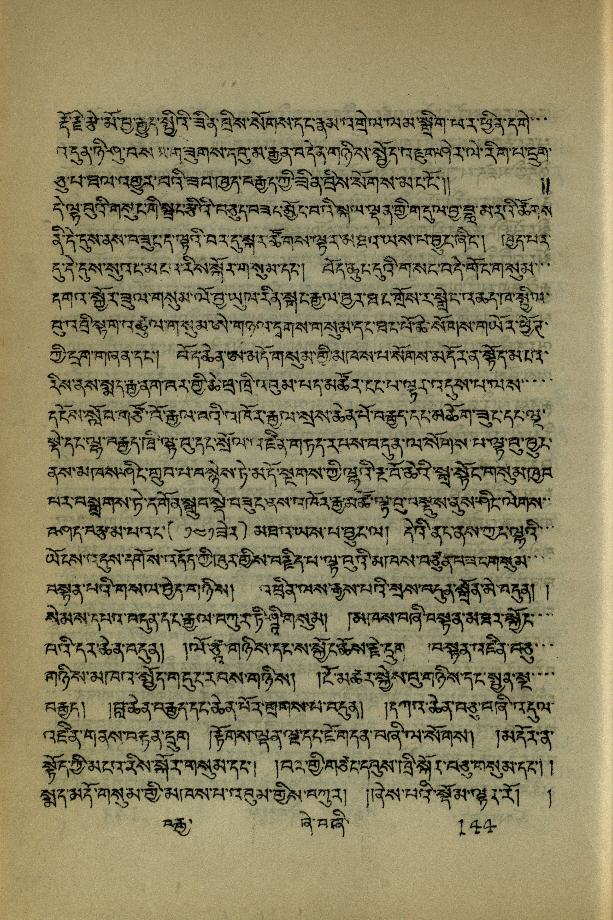རྡོ་རྗེ་རྩེ་མོ་བྱ་རྒྱུད་སྤྱིའི་ཟིན་བྲིས་སོགས་དང་རྣམ་འགྲེལ་ལམ་སྒྲིག་ཕར་ཕྱིན་དགེ་
འདུན་ཉི་ཤུ་བསམ་གཟུགས་དབུ་མ་རྒྱན་བདེན་གཉིས་སྤྱོད་འཇུག་ཤེར་ལེ་རིག་པ་དྲུག་
ཅུ་པ་ཐལ་འགྱུར་བའི་ཟབ་ཁྱད་བརྒྱད་ཀྱི་ཟིན་བྲིས་སོགས་མང་ངོ།། །།
དེ་ལྟ་བུའི་གསུང་གི་སྦྲང་རྩིའི་བཅུད་བཟང་མྱོང་བའི་སྐལ་ལྡན་གྱི་གདུལ་བྱ་བྷྲ་མ་རའི་ཚོགས་
ནི་དེ་དུས་ནས་བཟུང་ད་ལྟའི་བར་དུ་སྐར་ཚོགས་ལྟར་མཐའ་ཡས་པ་བྱུང་ཞིང་། ཁྱད་པར་
དུ་དེ་དུས་སུའང་མངའ་རིས་སྐོར་གསུམ་དང་། བོད་ཆུང་ངུའི་གསང་བདེ་གོང་གསུམ་
དགའ་སྐྱོར་ཟུལ་གསུམ་ལོ་བྱ་ཡུལ་རིན་སྒང་རྒྱལ་བྱར་ཐང་གྲོས་ར་སྒྲེང་འཆད་ཁ་སྤྱིལ་
བུ་འབྲི་སྟག་འཚུལ་གསུམ་ཨེ་གཉལ་དྭགས་གསུམ་དང་ཐང་པོ་ཆེ་སོགས་གཡོར་ཕྱོཊ་
ཀྱི་དྲག་གཞན་དང་། བོད་ཆེན་ཨ་མདོ་གསུམ་གྱི་མཁས་པ་སོགས་མདོར་ན་སྟོད་མངའ་
རིས་ནས་སྨད་རྒྱ་ནག་བར་གྱི་ཆེ་ཕྲ་ཁྲི་འབུམ་པད་མཚོར་ངང་པ་ལྟར་འདུས་པ་ལས་
དངོས་སློབ་གཙོ་བོ་རྒྱལ་བའི་འཁོར་རྒྱལ་སྲས་ཆེན་པོ་བརྒྱད་དང་མཆོག་ཟུང་དང་ལྔ་
སྡེ་དང་ལྷ་བརྒྱད་ཁྲི་ལྟ་བུ་དང་སྲོལ་འཛིན་གཏད་རབས་བདུན་ལ་སོགས་པ་ལྟ་བུ་བྱུང་
ནས་མཁས་ཤིང་གྲུབ་པ་བསྙེས་ཏེ་མདོ་སྔགས་ཀྱི་ལྷའི་རྔ་བོ་ཆེའི་སྒྲ་སྟོང་གསུམ་ཁྱབ་
པར་བསྒྲགས་ཏེ་དགོན་སྒྲུབ་སྡེ་བཟུང་ནས་འཁོར་རྒྱ་མཚོ་ལྟ་བུ་བསྡུས་ནུས་ཤིང་ལེགས་
བཤད་བརྩམ་པའང་། ༡༤༡ཟེར་མཐའ་ཡས་པ་བྱུང་ལ། དེའི་ནང་ནས་ཀྱང་ལྷའི་
ཡོངས་འདུས་དགོས་འདོད་ཀྱི་ཁུར་གྱིས་བརྗིད་པ་ལྟ་བུའི་མཁས་བཙུན་བཟང་གསུམ་
བསྟན་པའི་གསལ་བྱེད་གཉིས། འཕྲིན་ལས་རྒྱས་པའི་སྲས་བདུན་སྒྲོན་མེ་བདུན། །
སེམས་དཔའ་བདུན་དང་རྒྱལ་བཀུར་ཏི་ཤྲཱི་གསུམ། །མཁས་བཞི་བསྟན་མཐར་སྐྱོང་
བའི་དར་ཆེན་བདུན། །ལོ་ཙཱ་གཉིས་དང་ས་སྐྱོང་ཆོས་རྗེ་དྲུག །བསྟན་འཛིན་བཅུ་
གཉིས་མཁའ་སྤྱོད་གདུང་རབས་གཉིས། །ངོ་མཚར་སྐྱེས་བུ་གཉིས་དང་སྤྱན་སྔ་
བརྒྱད། །བླ་ཆེན་བརྒྱད་དང་ཆེན་པོར་གྲགས་པ་བདུན། །དཀའ་ཆེན་བཅུ་བཞི་འདུལ་
འཛིན་གནས་བརྟན་དྲུག །རྟོགས་ལྡན་ལྔ་དང་ཇོ་གདན་བཞི་ལ་སོགས། །མདོར་ན་
སྟོད་ཀྱི་མངའ་རིས་སྐོར་གསུམ་དང་། །བར་གྱི་གཙང་དབུས་ཁྲི་སྐོར་བཅུ་གསུམ་དང་། །
སྨད་མདོ་གསུམ་གྱི་མཁས་པ་འབུམ་གྱིས་བཀུར། །ཞེས་པའི་སྡོམ་ལྟར་རོ། །